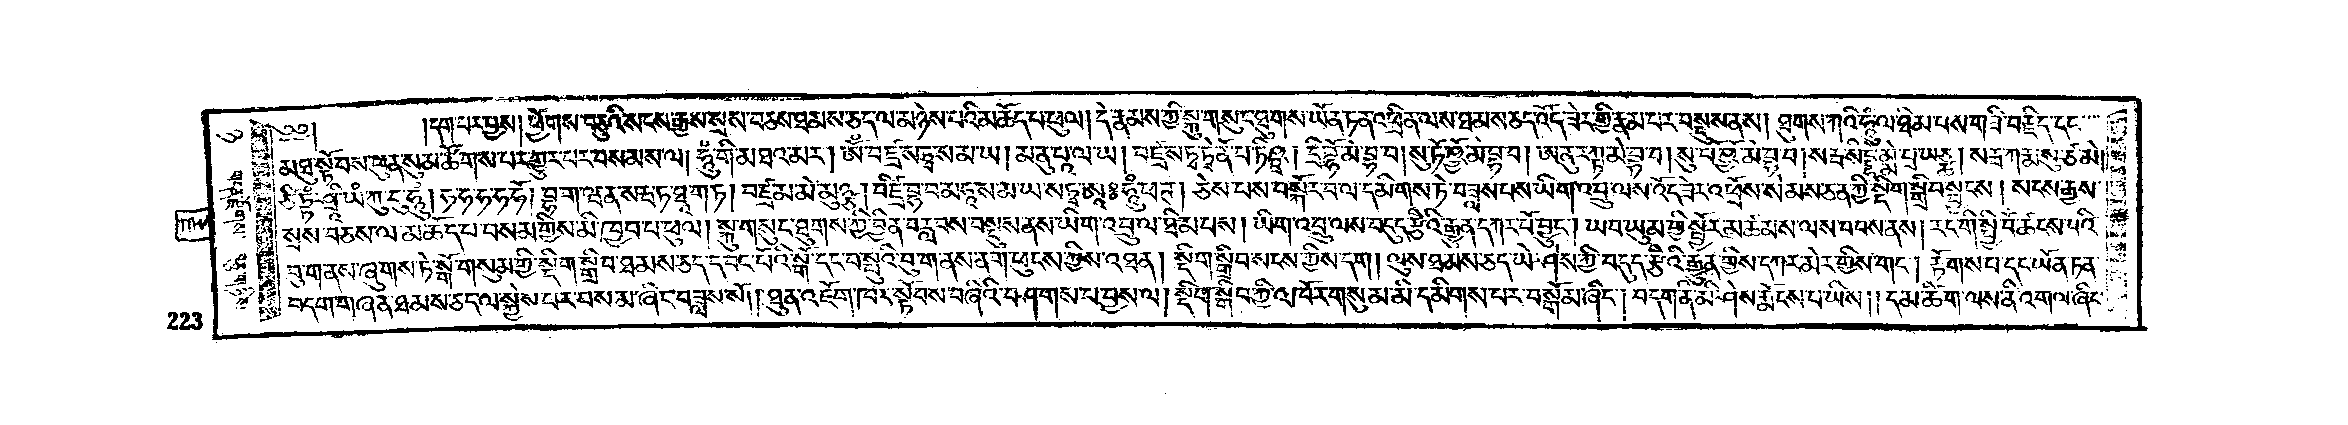༄༅། །དག་པར་བྱས། ཕྱོགས་བཅུའི་སངས་རྒྱས་སྲས་བཅས་ཐམས་ཅད་ལ་མཉེས་པའི་མཆོད་པ་ཕུལ། དེ་རྣམས་ཀྱི་སྐུ་གསུང་ཐུགས་ཡོན་ཏན་འཕྲིན་ལས་ཐམས་ཅད་འོད་ཟེར་གྱི་རྣམ་པར་བསྡུས་ནས། ཐུགས་ཀའི་ཧཱུཾ་ལ་ཐིམ་པས་གཟི་བརྗིད་དང་
མཐུ་སྟོབས་ཕུན་སུམ་ཚོགས་པར་གྱུར་པར་བསམས་ལ། ཧཱུཾ་གི་མཐའ་མར། ཨོཾ་བཛྲ་སཏྭ་ས་མ་ཡ། མ་ནུ་པཱ་ལ་ཡ། བཛྲ་སཏྭ་ཏྭེ་ནོ་པ་ཏིཥཊཿཨ། དྲི་ཌྷོ་མེ་བྷ་བ། སུ་ཏོ་ཥྱོ་མེ་བྷ་བ། ཨ་ནུ་རཀྟ་མེ་བྷ་བ། སུ་པོ་ཥྱོ་མེ་བྷ་བ། སརྦ་སིདྡྷི་མྨེ་པྲ་ཡཙྪ། སརྦ་ཀརྨ་སུ་ཙ་མེ།
ཙིཏཏཾ་ཤྲཱི་ཡཾ་ཀུ་རུ་ཧཱུཾ། ཧ་ཧ་ཧ་ཧ་ཧོ། བྷ་ག་ཝ་ན་སརྦ་ཏ་ཐཱ་ག་ཏ། བཛྲ་མ་མེ་མུཉྩ། བཛྲི་བྷ་བ་མཧཱ་ས་མ་ཡ་སཏྭ་ཨཱཿ ཧཱུཾ་ཕཊ། ཅེས་པས་བསྐོར་བ་ལ་དམིགས་ཏེ་བཟླས་པས་ཡིག་འབྲུ་ལས་འོད་ཟེར་འཕྲོས་སེམས་ཅན་གྱི་སྡིག་སྒྲིབ་སྦྱངས། སངས་རྒྱས་
སྲས་བཅས་ལ་མཆོད་པ་བསམ་གྱིས་མི་ཁྱབ་པ་ཕུལ། སྐུ་གསུང་ཐུགས་ཀྱི་བྱིན་བརླབས་བསྡུས་ནས་ཡིག་འབྲུ་ལ་ཐིམ་པས། ཡིག་འབྲུ་ལས་བདུད་རྩིའི་རྒྱུན་དཀར་པོ་བྱུང་། ཡབ་ཡུམ་གྱི་སྦྱོར་མཚམས་ལས་བབས་ནས། རང་གི་སྤྱི་བོ་ཚངས་པའི་
བུ་ག་ནས་ཞུགས་ཏེ་སྒོ་གསུམ་གྱི་སྡིག་སྒྲིབ་ཐམས་ཅད་དབང་པོའི་སྒོ་དང་བ་སྤུའི་བུ་ག་ནས་ནག་ཕུངས་ཀྱིས་འཐན། སྡིག་སྒྲིབ་སངས་ཀྱིས་དག །ལུས་ཐམས་ཅད་ཡེ་ཤེས་ཀྱི་བདུད་རྩིའི་རྒྱུན་གྱིས་དཀར་མེར་གྱིས་གང་། རྟོགས་པ་དང་ཡོན་ཏན་
བདག་གཞན་ཐམས་ཅད་ལ་སྐྱེས་པར་བསམ་ཞིང་བཟླས་སོ། །ཐུན་འཇོག་ཁར་སྟོབས་བཞིའི་བཤགས་པ་བྱས་ལ། སྡིག་སྒྲིབ་ཀྱི་འཁོར་གསུམ་མི་དམིགས་པར་བསྒོམ་ཞིང་། བདག་ནི་མི་ཤེས་རྨོངས་པ་ཡིས། །དམ་ཚིག་ལས་ནི་འགལ་ཞིང་